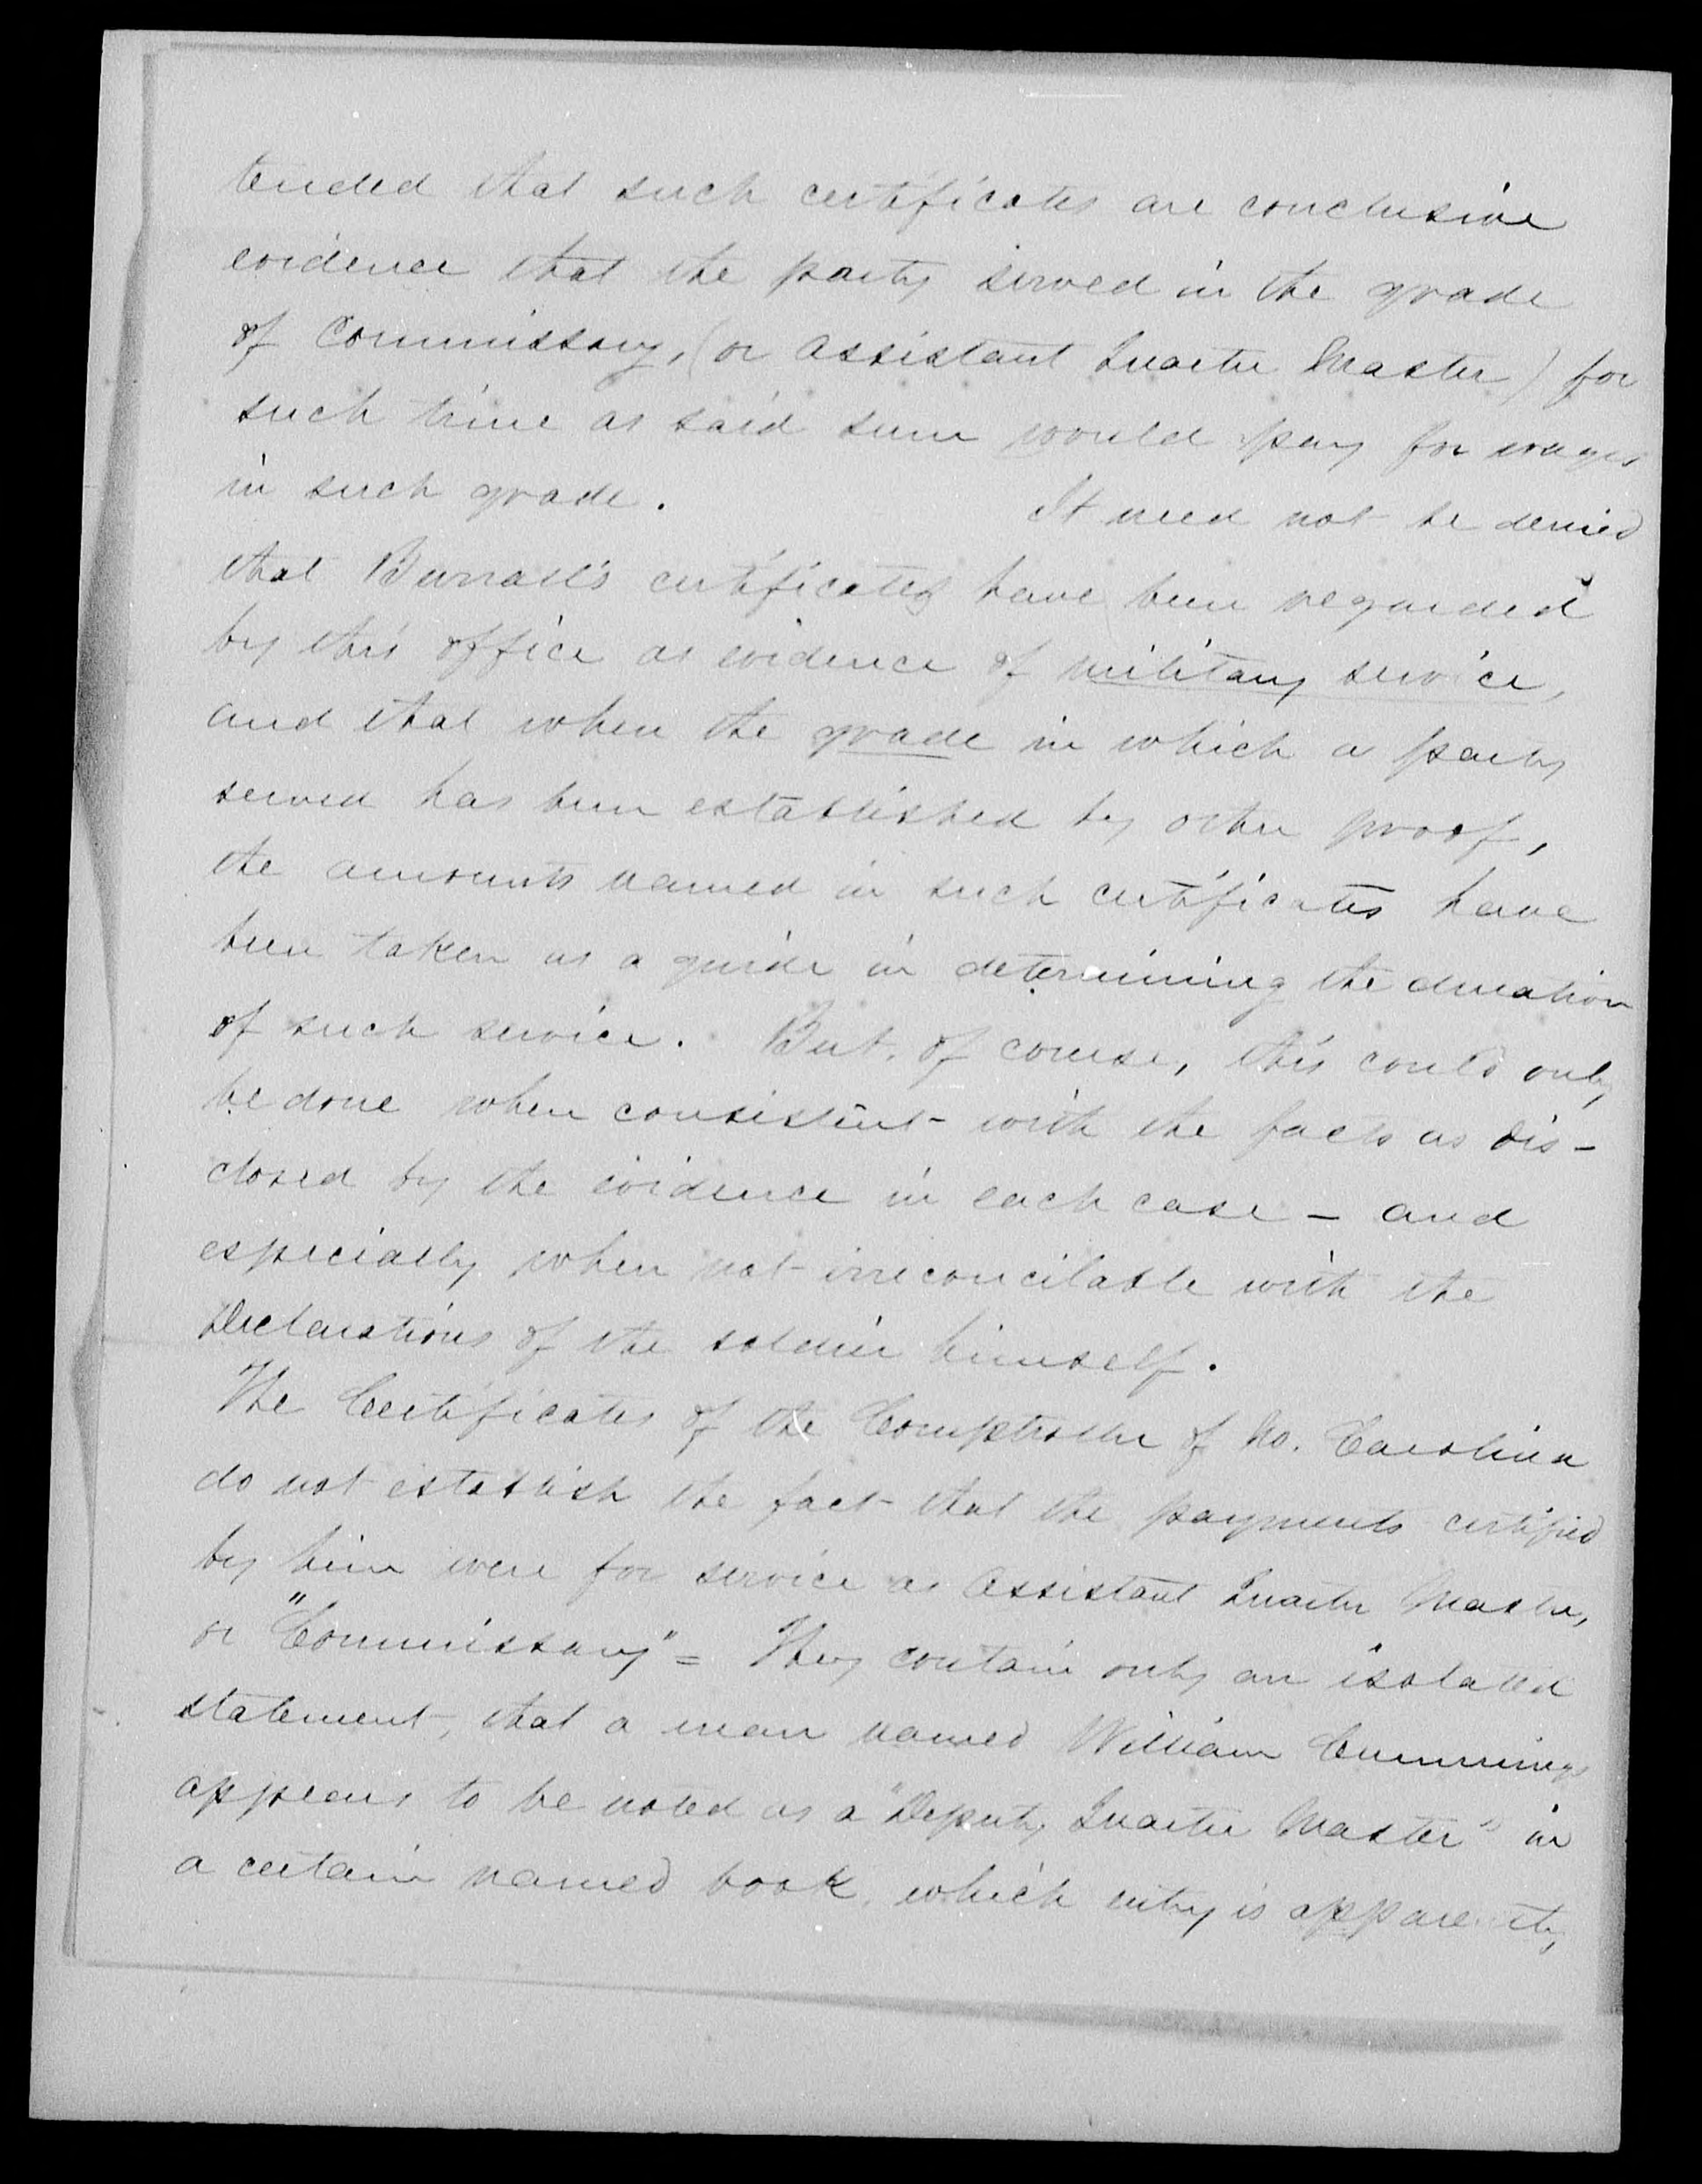[Continuation of a handwritten letter.  Occasional spacing has been included to make the long text block easier to read.]

tended that such certificates are conclusive evidence that the party served in the grade of Commissary, (or Assistant Quarter Master) for such time as said sum would pay for wages in such grade.

It [here the next word could be either "need" or "will"] not be denied that Burrall's certificates have been regarded by this office as evidence of [here the next two words are underlined] military service, and that when the [the next word is underlined] grade in which a party served has been established by other proof, the amounts named in such certificates have been taken as a guide in determining the duration of such service. 

But, of course, this could only be done when consistent with the facts as disclosed by the evidence in each case - and especially when not irreconcilable with the Declarations of the soldier himself.

The Certificates of the Comptroller of No. Carolina do not establish the fact that the payments certified by him were for service as Assistant Quarter Master, or "Commissary" = They contain only an isolated statement, that a man named William Cummings appears to be noted as a "Deputy Quarter Master" in a certain named book, which entry is apparently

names: Burrall, William Cummings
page: 41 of 145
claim: survivor's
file: S. 8265, William Cumming, N.C.